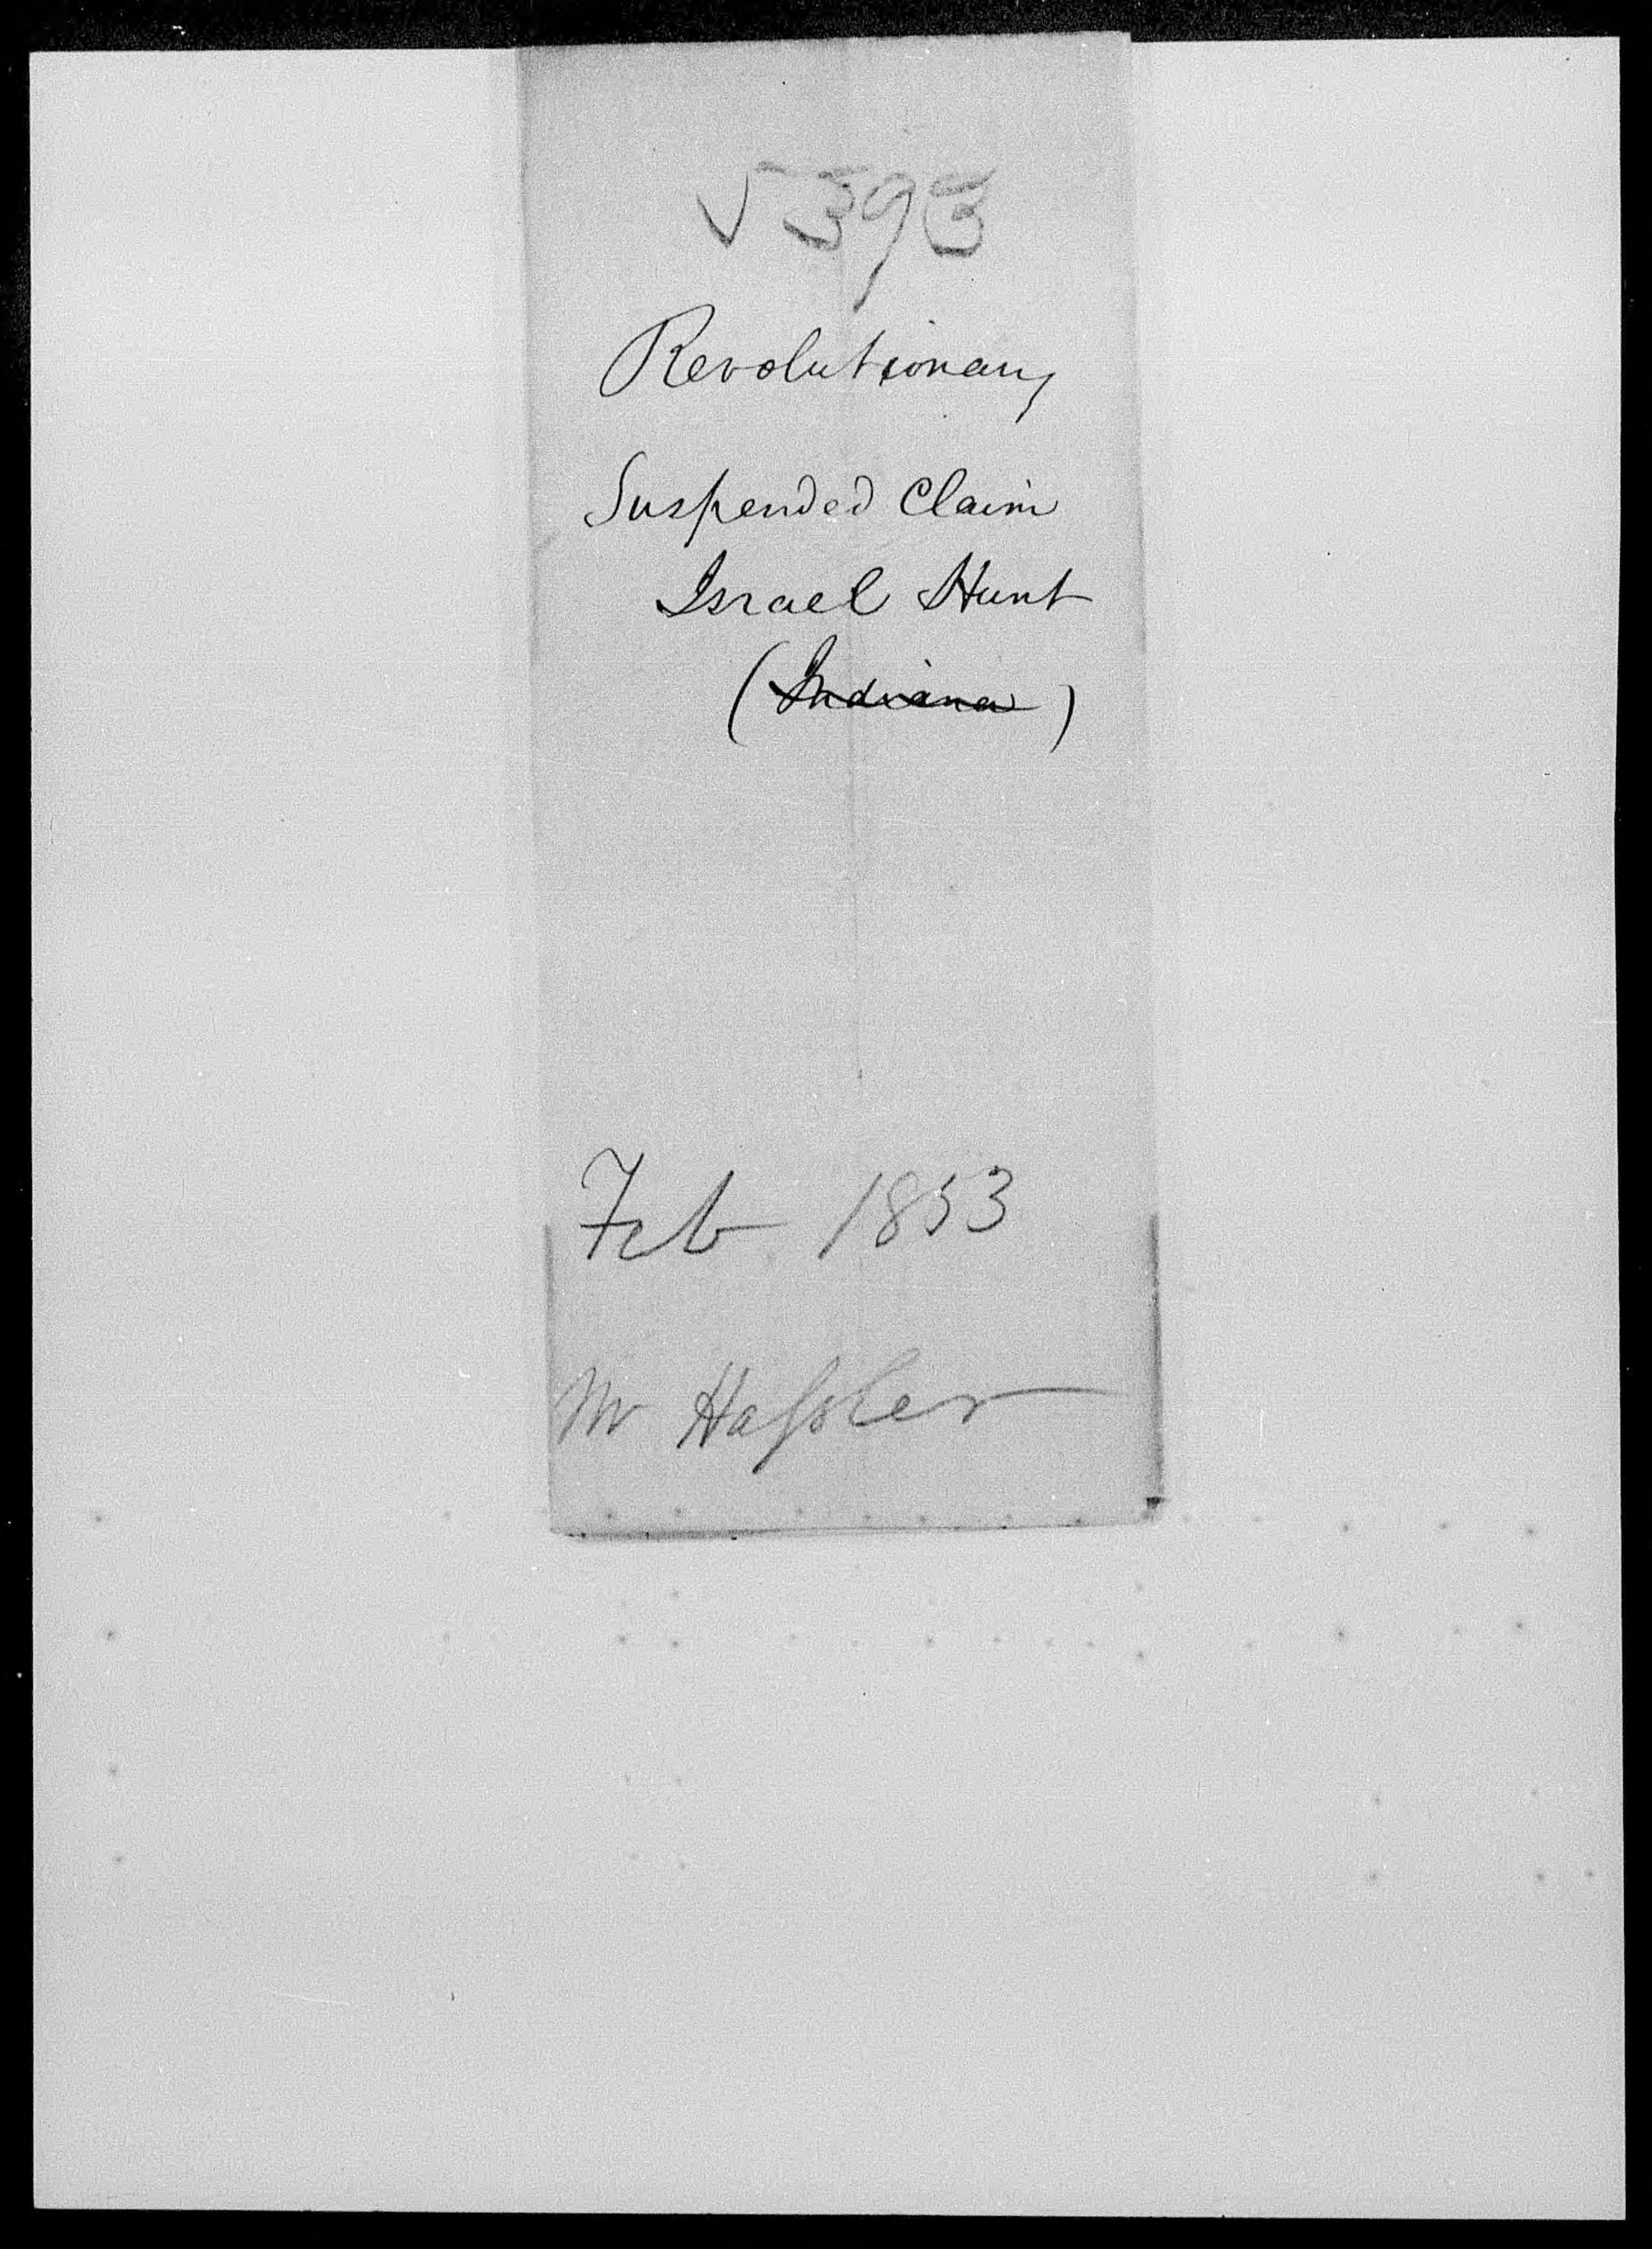5393
Revolutionary
Suspended Claim
Israel Hunt
(Indiana)

Feb 1853
Mr. Hassler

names: Israel Hunt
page: 2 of 18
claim: rejected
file: R. 5393, for Israel Hunt, New Jersey